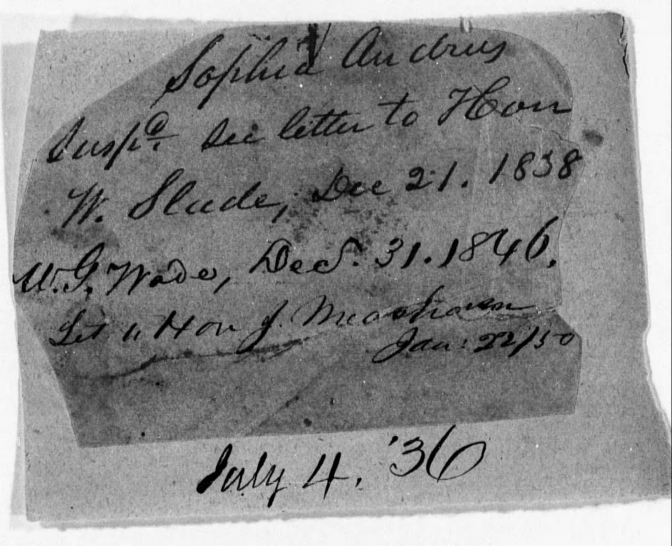Sophia Andrews
Suspended see letter to Hon. W. Slide, Dec. 21
1838
W. G. Wade, Dec. 31, 1846. Lieut.  & Hon J. Meastianson Ja. 22/50

July 4, 36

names: Sophia Andrus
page: 12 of 27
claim: rejected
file: R. 223, Eldad Andrus, Vt.